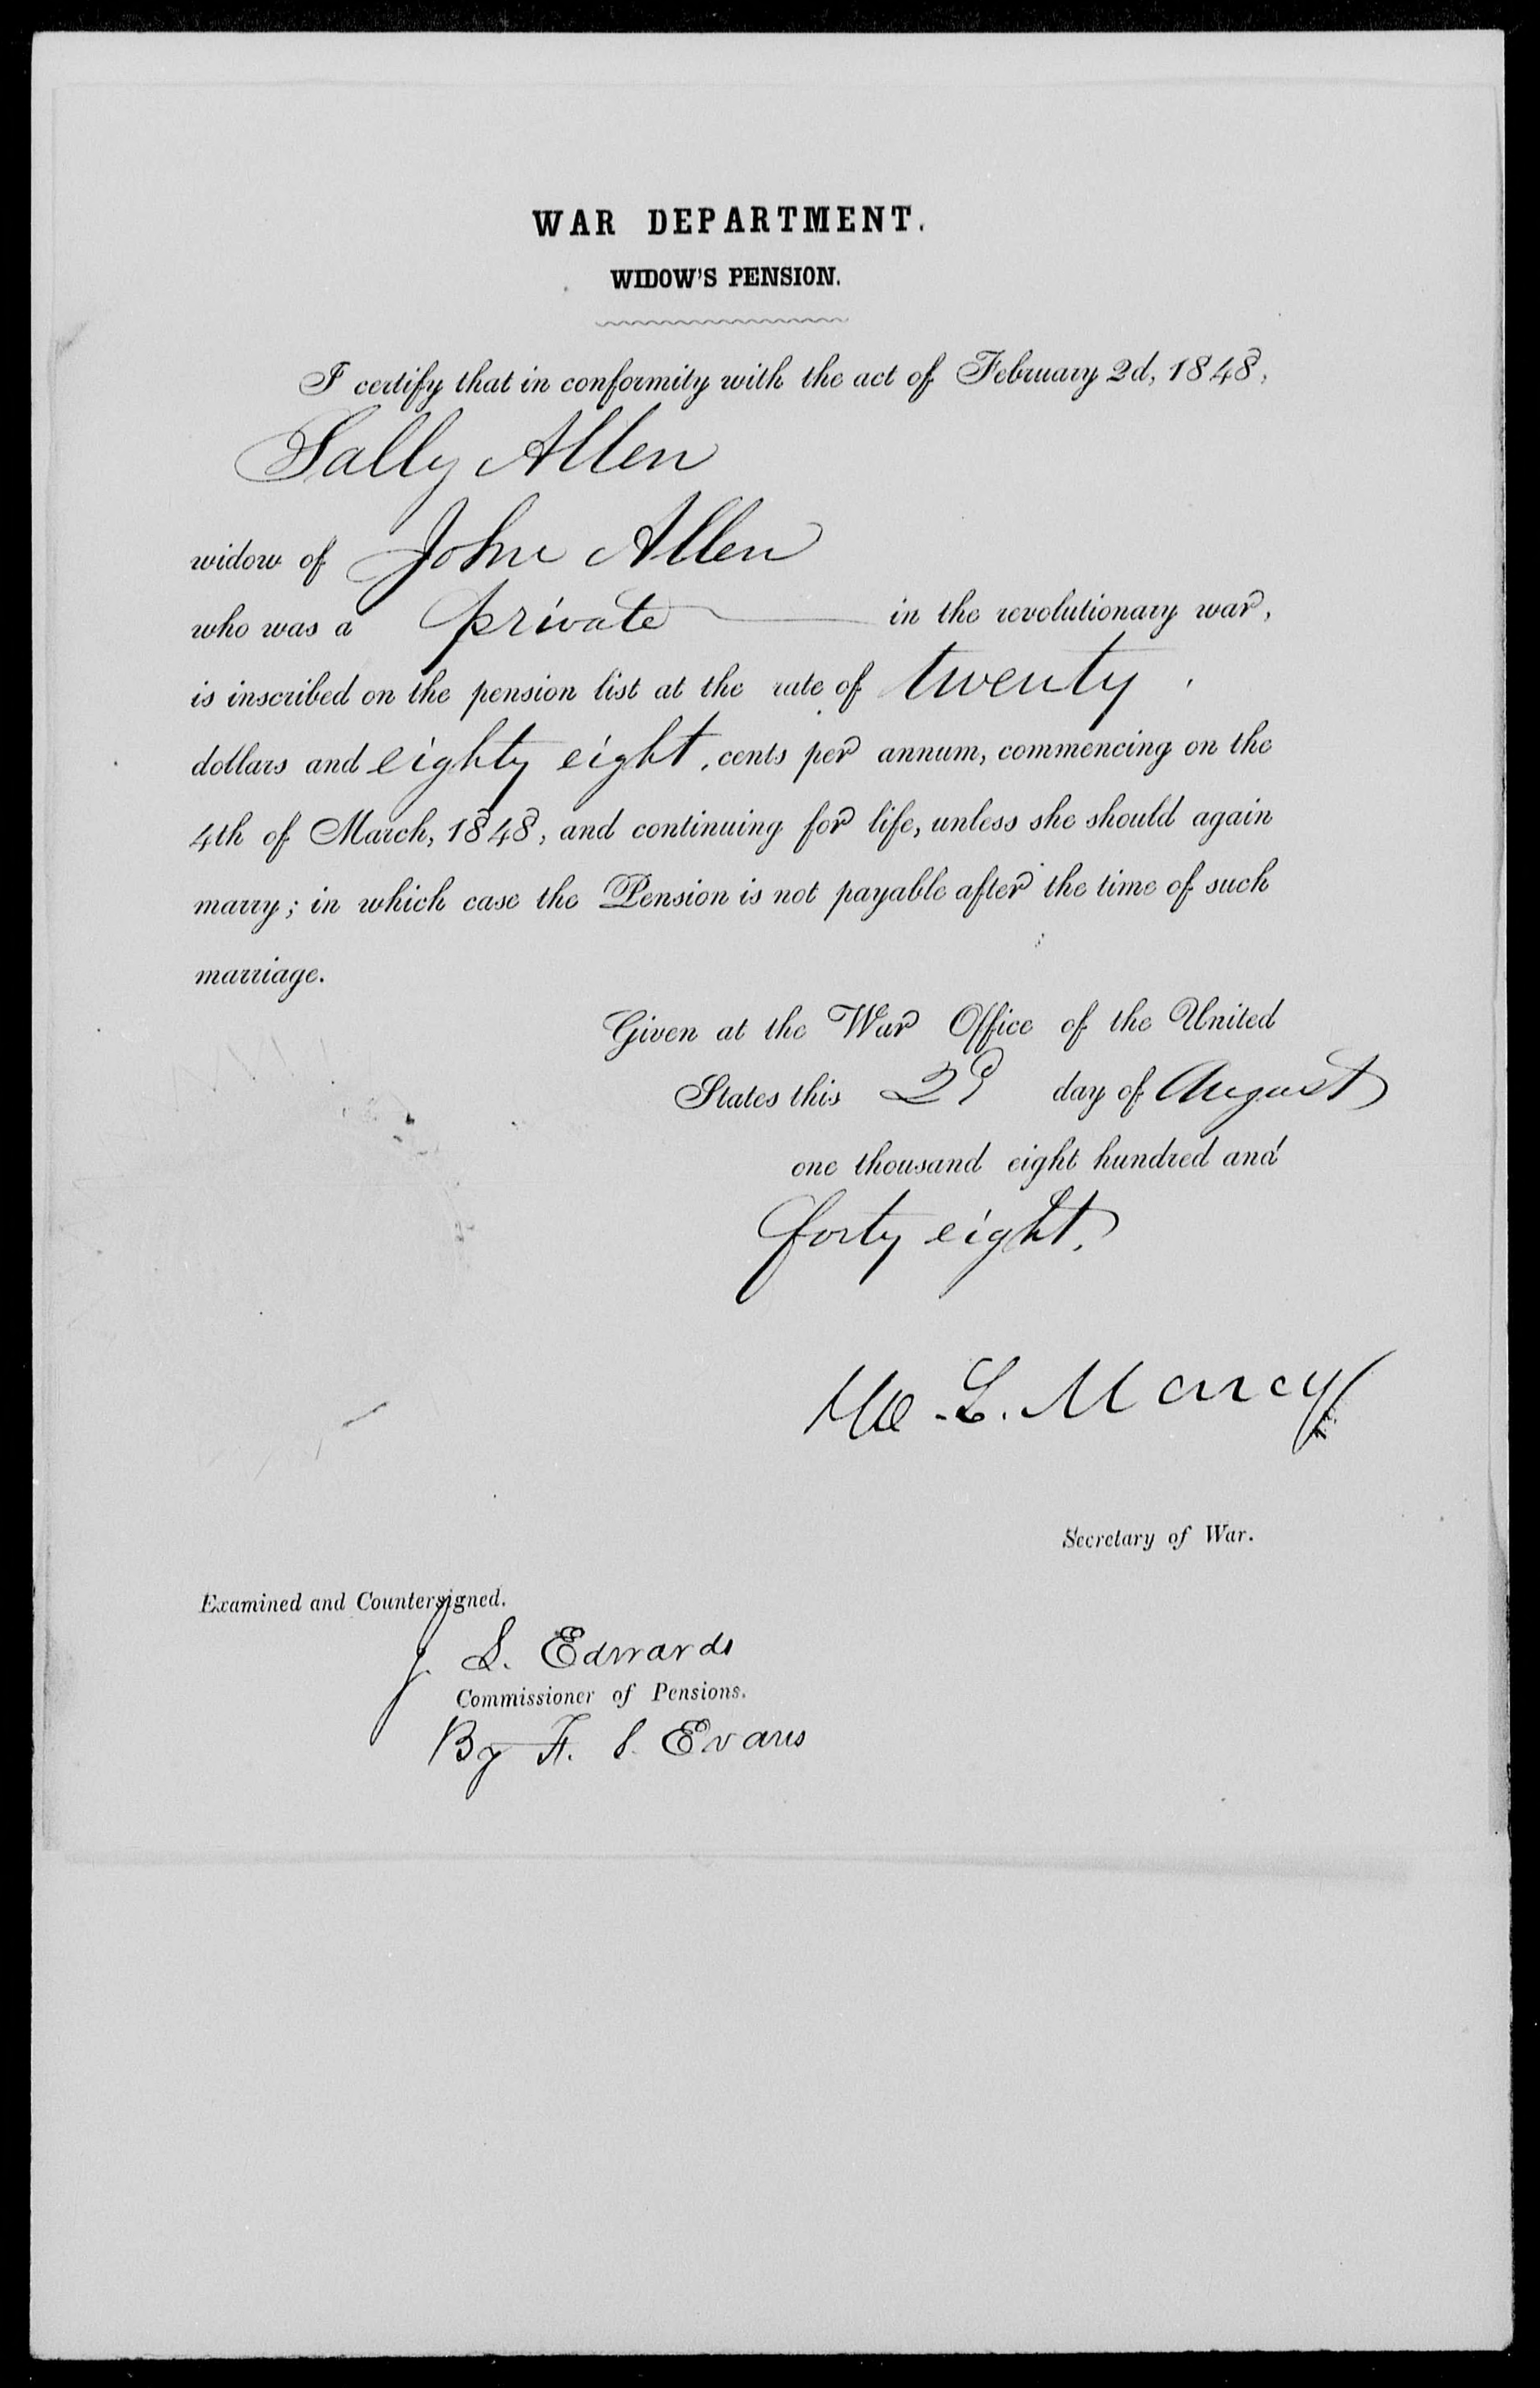WAR DEPARTMENT. WIDOW'S PENSION.
I certify that in conformity with the act of February 2d, 1848 
Sally Allen 
widow of John Allen 
who was a private in the revolutionary war, is inscribed on the pension list at the rate of twenty dollars and eighty eight cents per annum, commencing on the 4th of March, 1848, and continuing for life, unless she should again marry; in which case the Pension is not payable after the time of such marriage. 
Given at the War Office of the United 
States this 29 day of August 
one thousand eight hundred and 
forty eight.
W.L. Marcy
Secretary of War.

Examined and Countersigned. J. L. Edwards 
Commissioner of Pensions. 
By F. S. Evans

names: Sally Allen, W L Marcy, John Allen, J L Edwards, F S Evans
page: 50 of 74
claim: widow's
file: W. 23424, John Allen, Mass. R. I.